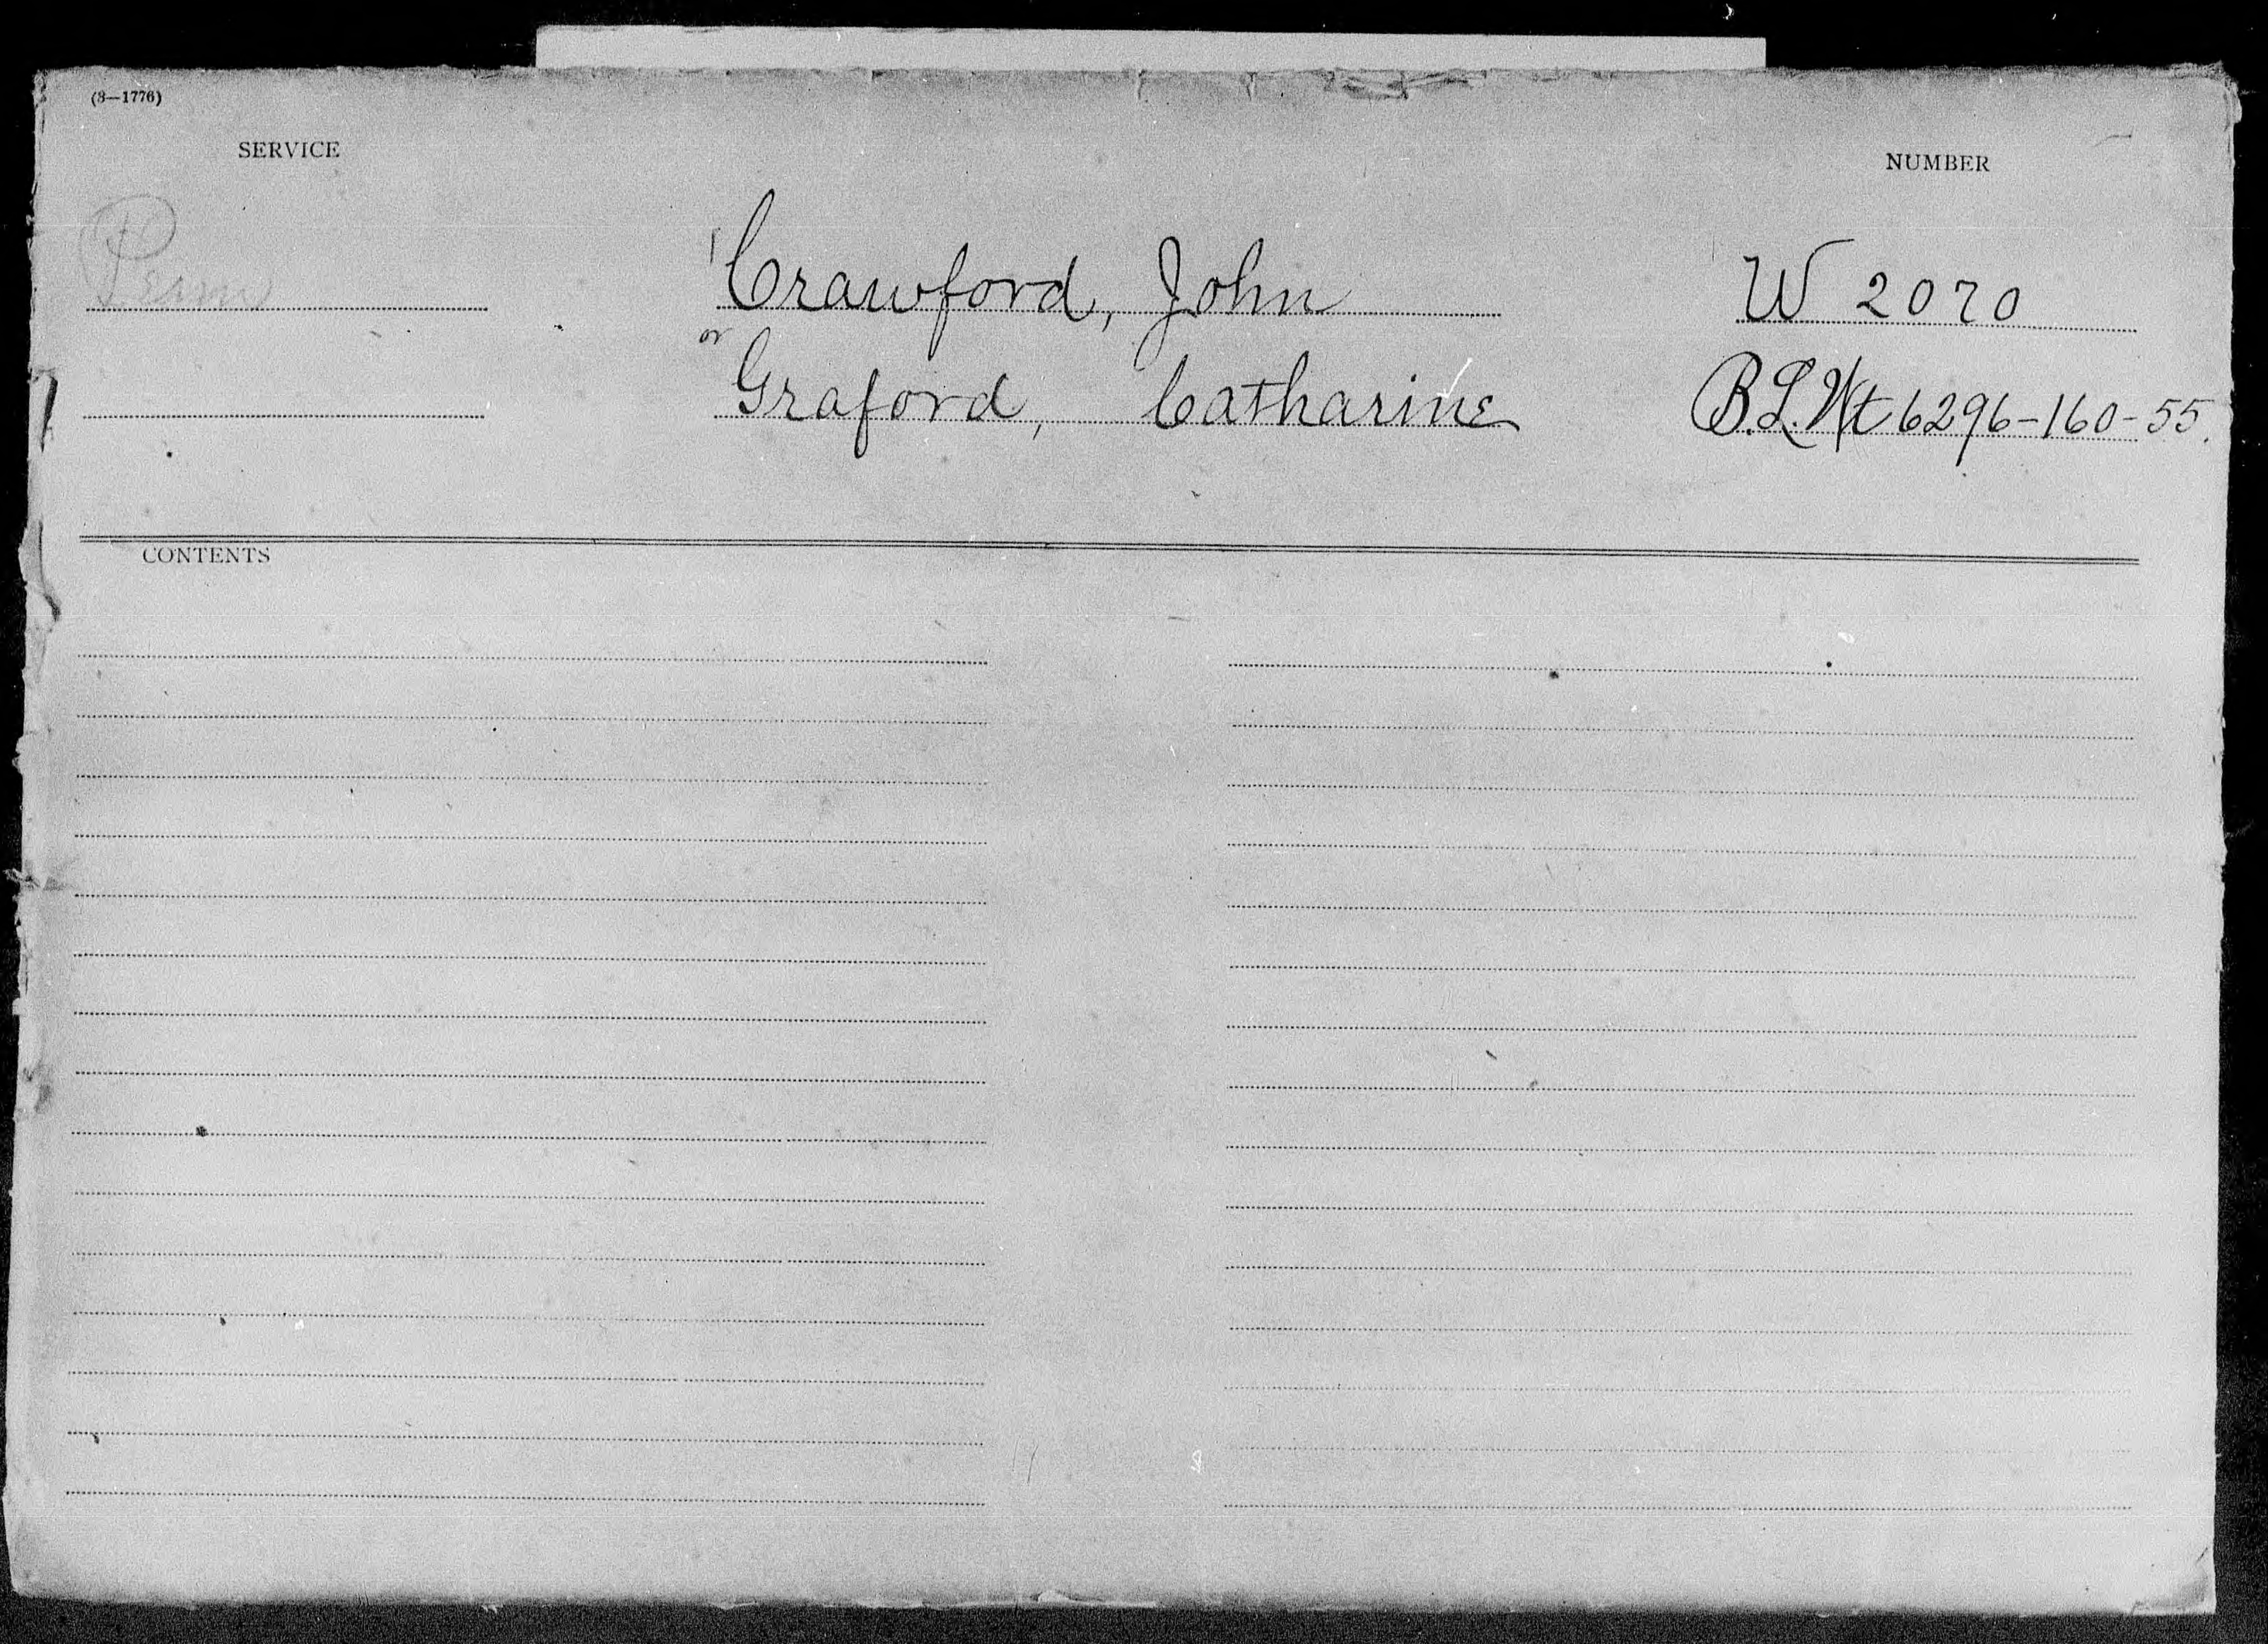(3-1776)
SERVICE
Penns
Crawford, John
Graford, Catharine
NUMBER
W 2070
B.L.Wt 6296-160-55
CONTENTS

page: 1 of 80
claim: widow's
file: W 2070, John Crawford, Penn.